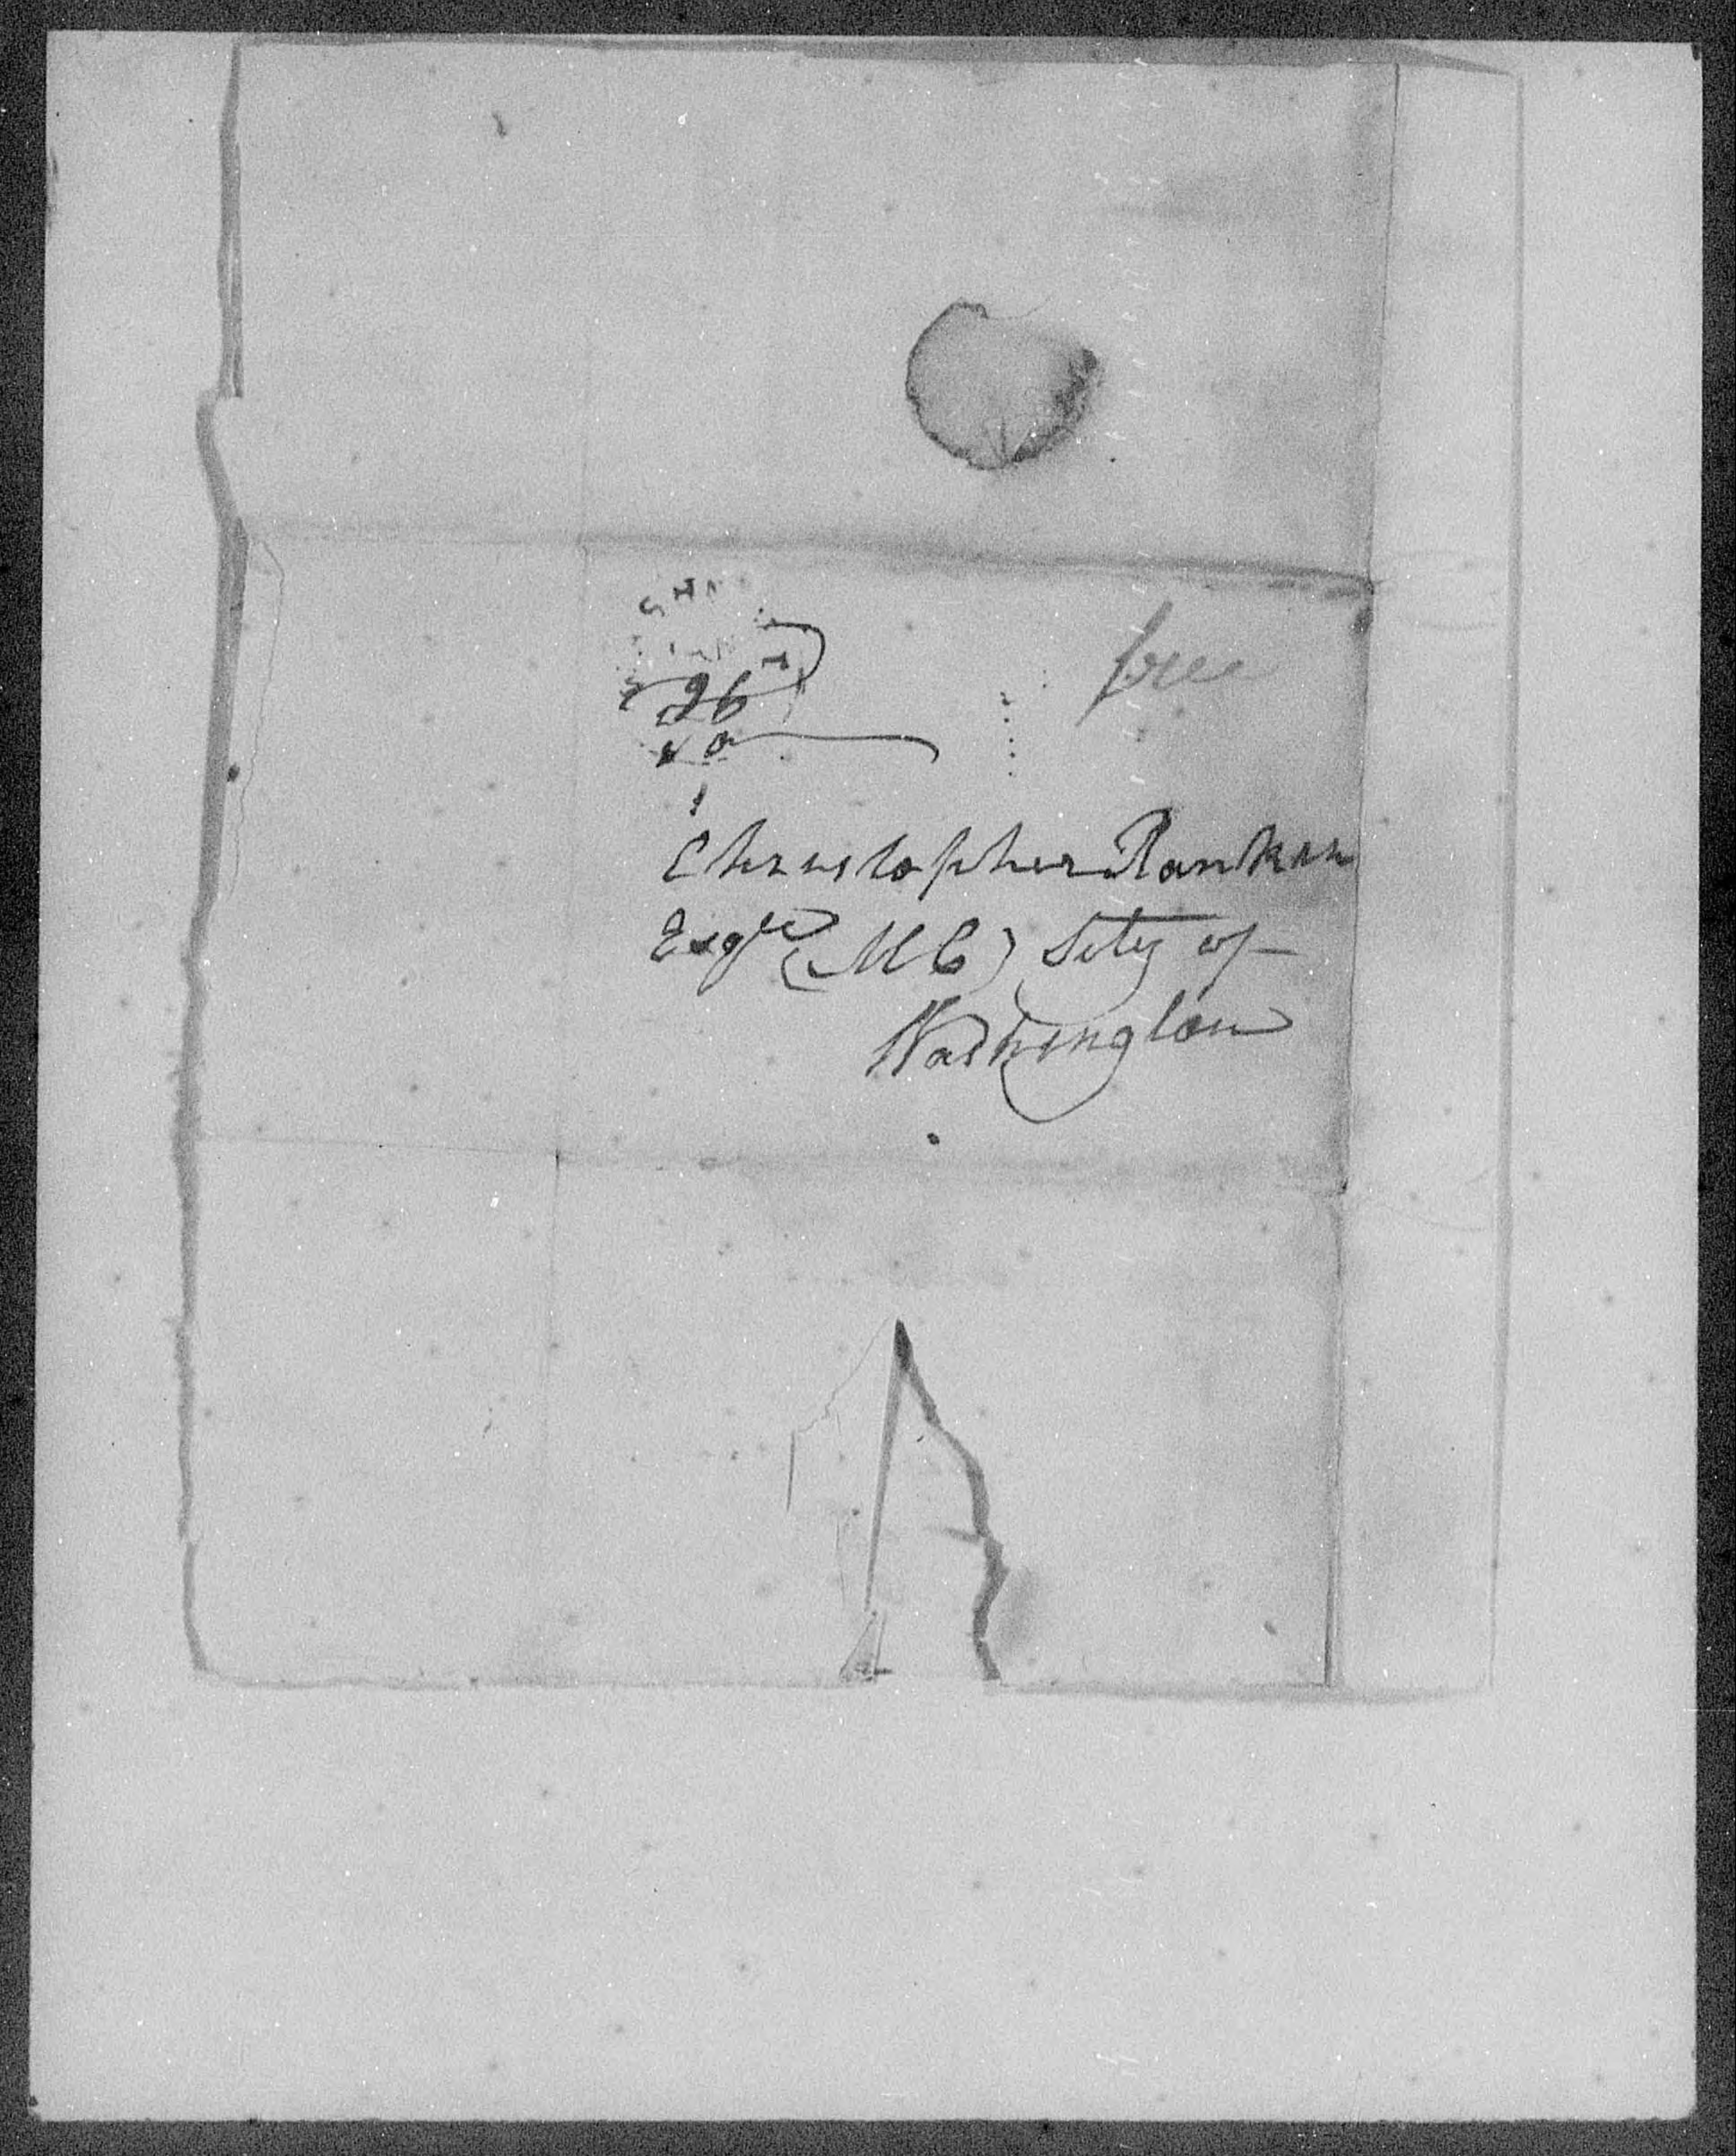free
26 
Va
Christopher Rankin
Esqr. (MC) City of Washington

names: Christopher Rankin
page: 15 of 24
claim: survivor's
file: S. 34903, Benjamin Goodwin, Va.